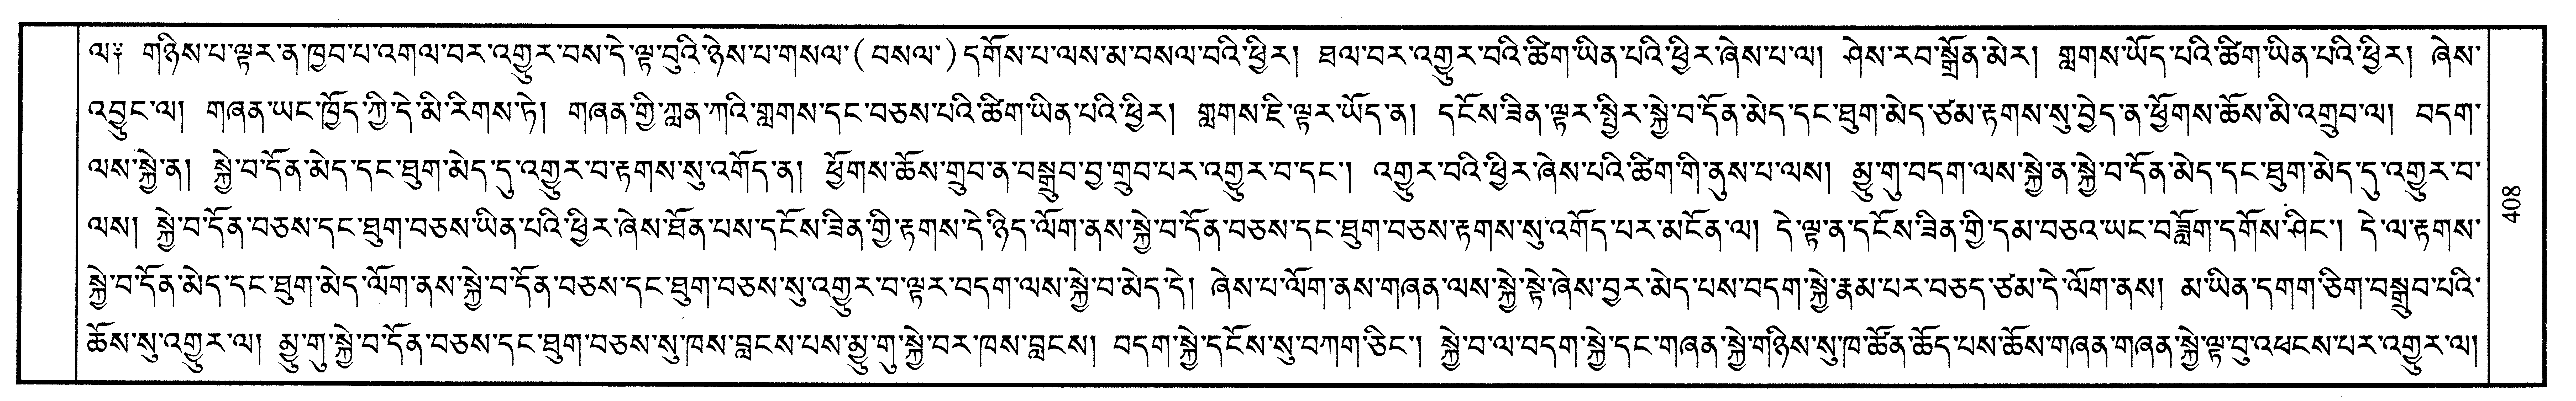ལ༑ གཉིས་པ་ལྟར་ན་ཁྱབ་པ་འགལ་བར་འགྱུར་བས་དེ་ལྟ་བུའི་ཉེས་པ་གསལ་བསལ་དགོས་པ་ལས་མ་བསལ་བའི་ཕྱིར། ཐལ་བར་འགྱུར་བའི་ཚིག་ཡིན་པའི་ཕྱིར་ཞེས་པ་ལ། ཤེས་རབ་སྒྲོན་མེར། གླགས་ཡོད་པའི་ཚིག་ཡིན་པའི་ཕྱིར། ཞེས་
འབྱུང་ལ། གཞན་ཡང་ཁྱོད་ཀྱི་དེ་མི་རིགས་ཏེ། གཞན་གྱི་ཀླན་ཀའི་གླགས་དང་བཅས་པའི་ཚིག་ཡིན་པའི་ཕྱིར། གླགས་ཇི་ལྟར་ཡོད་ན། དངོས་ཟིན་ལྟར་སྤྱིར་སྐྱེ་བ་དོན་མེད་དང་ཐུག་མེད་ཙམ་རྟགས་སུ་བྱེད་ན་ཕྱོགས་ཆོས་མི་འགྲུབ་ལ། བདག་
ལས་སྐྱེ་ན། སྐྱེ་བ་དོན་མེད་དང་ཐུག་མེད་འགྱུར་བ་རྟགས་སུ་འགོད་ན། ཕྱོགས་ཆོས་གྲུབ་ན་བསྒྲུབ་བྱ་གྲུབ་པར་འགྱུར་བ་དང་། འགྱུར་བའི་ཕྱིར་ཞེས་པའི་ཚིག་གི་ནུས་པ་ལས། མྱུ་གུ་བདག་ལས་སྐྱེ་ན་སྐྱེ་བ་དོན་མེད་དང་ཐུག་མེད་དུ་འགྱུར་བ་
ལས། སྐྱེ་བ་དོན་བཅས་དང་ཐུག་བཅས་ཡིན་པའི་ཕྱིར་ཞེས་ཐོན་པས་དངོས་ཟིན་གྱི་རྟགས་དེ་ཉིད་ལོག་ནས་སྐྱེ་བ་དོན་བཅས་དང་ཐུག་བཅས་རྟགས་སུ་འགོད་པར་མངོན་ལ། དེ་ལྟ་ན་དངོས་ཟིན་གྱི་དམ་བཅའ་ཡང་བཟློག་དགོས་ཤིང་། དེ་ལ་རྟགས་
སྐྱེ་བ་དོན་མེད་དང་ཐུག་མེད་ལོག་ནས་སྐྱེ་བ་དོན་བཅས་དང་ཐུག་བཅས་སུ་འགྱུར་བ་ལྟར་བདག་ལས་སྐྱེ་བ་མེད་དེ། ཞེས་པ་ལོག་ནས་གཞན་ལས་སྐྱེ་སྟེ་ཞེས་བྱར་མེད་པས་བདག་སྐྱེ་རྣམ་པར་བཅད་ཙམ་དེ་ལོག་ནས། མ་ཡིན་དགག་ཅིག་བསྒྲུབ་པའི་
ཆོས་སུ་འགྱུར་ལ། མྱུ་གུ་སྐྱེ་བ་དོན་བཅས་དང་ཐུག་བཅས་སུ་ཁས་བླངས་པས་མྱུ་གུ་སྐྱེ་བར་ཁས་བླངས། བདག་སྐྱེ་དངོས་སུ་བཀག་ཅིང་། སྐྱེ་བ་ལ་བདག་སྐྱེ་དང་གཞན་སྐྱེ་གཉིས་སུ་ཁ་ཚོན་ཆོད་པས་ཆོས་གཞན་གཞན་སྐྱེ་ལྟ་བུ་འཕངས་པར་འགྱུར་ལ།